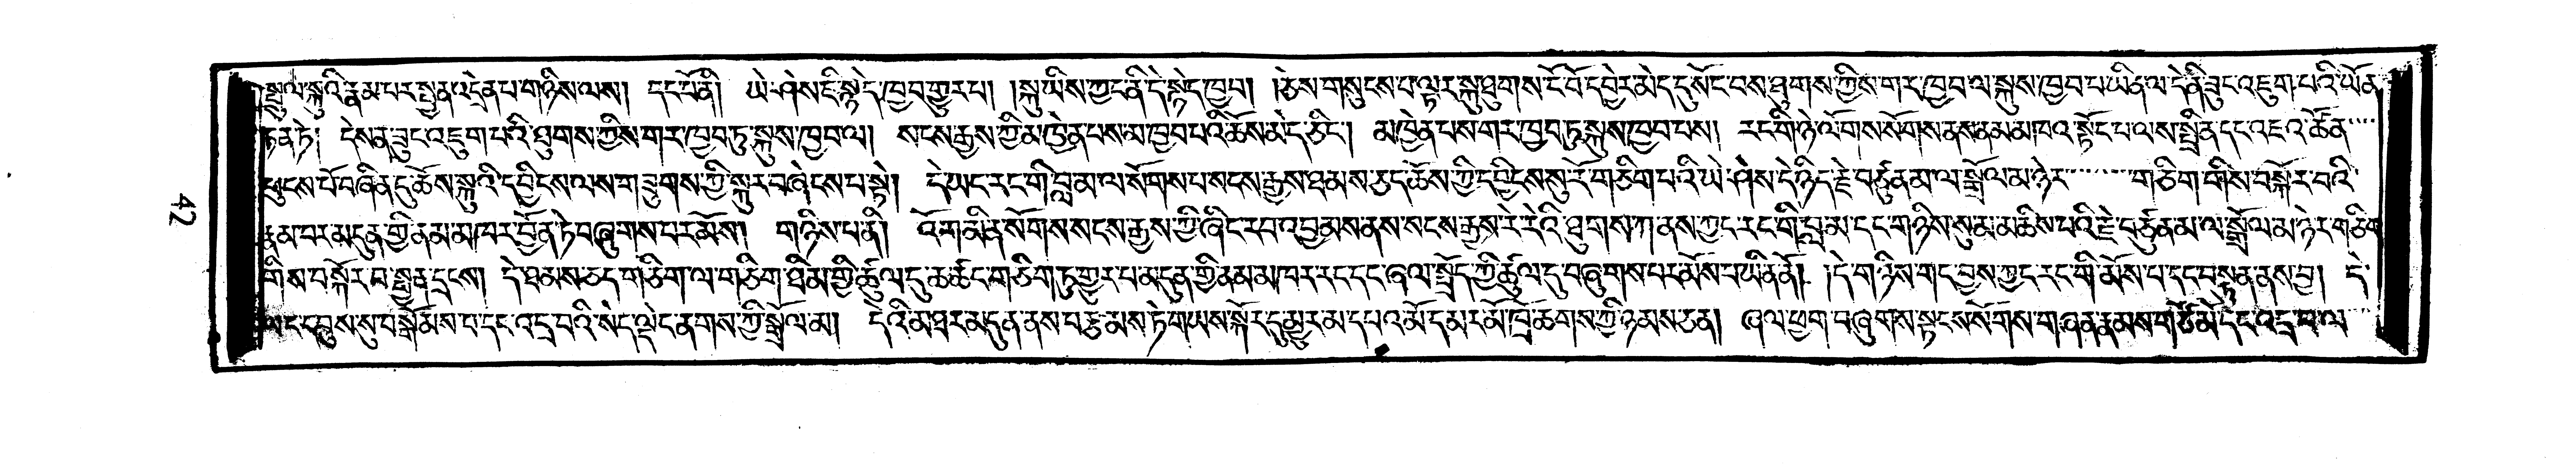སྤྲུལ་སྐུའི་རྣམ་པར་སྤྱན་འདྲེན་པ་གཉིས་ལས། དང་པོ་ནི། ཡེ་ཤེས་ཇི་སྙེད་ཁྱབ་གྱུར་པ། །སྐུ་ཡིས་ཀྱང་ནི་དེ་སྙེད་ཁྱབ། །ཅེས་གསུངས་པ་ལྟར་སྐུ་ཐུགས་ངོ་བོ་དབྱེར་མེད་དུ་སོང་བས་ཐུགས་ཀྱིས་གར་ཁྱབ་ལ་སྐུ་ཁྱབ་པ་ཡིན་ལ་དེ་ནི་ཟུང་འཇུག་པའི་ཡོན་
ཏན་ཏེ། དེས་ན་ཟུང་འཇུག་པའི་ཐུགས་ཀྱིས་གར་ཁྱབ་ཏུ་སྐུས་ཁྱབ་ལ། སངས་རྒྱས་ཀྱི་མཁྱེན་པས་མ་ཁྱབ་པའི་ཆོས་མེད་ཅིང་། མཁྱེན་པས་གར་ཁྱབ་ཏུ་སྐུས་ཁྱབ་པས། རང་གི་ཉེ་ལོགས་སོགས་ནས་ནམ་མཁའ་སྟོང་པ་ལས་སྤྲིན་དང་འཇའ་ཚོན་
ལངས་པ་བཞིན་དུ་ཆོས་སྐུའི་དབྱིངས་ལས་གཟུགས་ཀྱི་སྐུར་བཞེངས་པ་སྟེ། དེ་ཡང་རང་གི་བླ་མ་ལ་སོགས་པ་སངས་རྒྱས་ཐམས་ཅད་ཆོས་ཀྱི་དབྱིངས་སུ་རོ་གཅིག་པའི་ཡེ་ཤེས་དེ་ཉིད་རྗེ་བཙུན་མ་ལ་སྒྲོལ་མ་ཉེར་གཅིག་གིས་བསྐོར་བའི་
རྣམ་པར་མདུན་གྱི་ནམ་མཁར་བྱོན་ཏེ་བཞུགས་པར་མོས། གཉིས་པ་ནི། འོག་མིན་སོགས་སངས་རྒྱས་ཀྱི་ཞིང་རབ་འབྱམས་ནས་སངས་རྒྱས་རེ་རེའི་ཐུགས་ཀ་ནས་ཀྱང་རང་གི་བླ་མ་དང་གཉིས་སུ་མ་མཆིས་པའི་རྗེ་བཙུན་མ་ལ་སྒྲོལ་མ་ཉེར་གཅིག་
གིས་བསྐོར་བ་སྤྱན་དྲངས། དེ་ཐམས་ཅད་གཅིག་ལ་གཅིག་ཐིམ་གྱི་ཚུལ་དུ་ཆ་ཚང་གཅིག་ཏུ་གྱུར་པ་མདུན་གྱི་ནམ་མཁར་རང་དང་ཞལ་སྤྲོད་ཀྱི་ཚུལ་དུ་བཞུགས་པར་མོས་པ་ཡིན་ནོ། །དེ་གཉིས་གང་བྱས་ཀྱང་རང་གི་མོས་པ་དང་བསྟུན་ནས་བྱ། དེ་
ཡང་དབུས་སུ་བསྒོམས་པ་དང་འདྲ་བའི་སེང་ལྡེང་ནགས་ཀྱི་སྒྲོལ་མ། དེའི་མཐར་མདུན་ནས་བརྩམས་ཏེ་གཡས་སྐོར་དུ་མྱུར་མ་དཔའ་མོ་དམར་མོ་ཁྲོ་ཆགས་ཀྱི་ཉམས་ཅན། ཞལ་ཕྱག་བཞུགས་སྟངས་སོགས་གཞན་རྣམས་གཙོ་མོ་དང་འདྲ་བ་ལ་